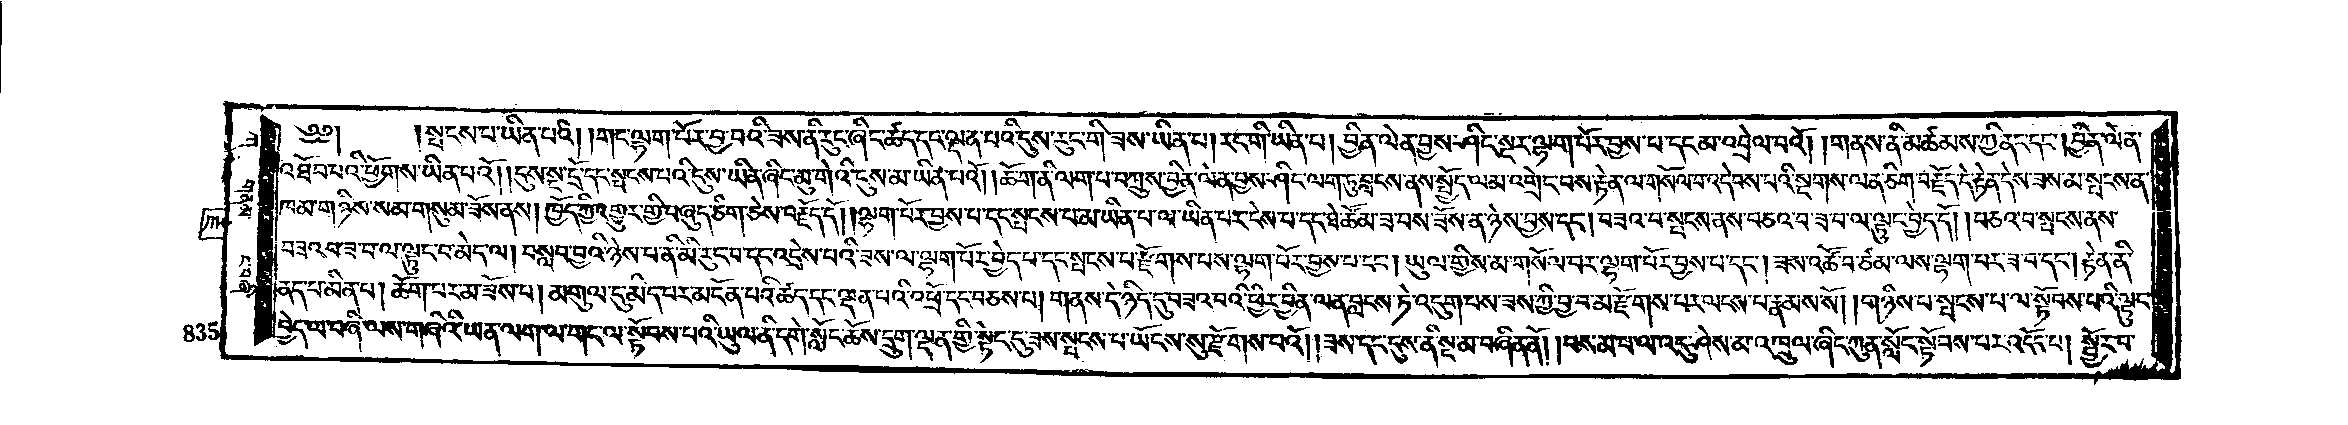༄༅། །སྤངས་པ་ཡིན་པའི། །གང་ལྷག་པོར་བྱ་བའི་ཟས་ནི་རུང་ཞིང་ཚད་དང་ལྡན་པའི་དུས་རུང་གི་ཟས་ཡིན་པ། རང་གི་ཡིན་པ། བྱིན་ལེན་བྱས་ཤིང་སྔར་ལྷག་པོར་བྱས་པ་དང་མ་འབྲེལ་བའོ། །གནས་ནི་མཚམས་ཀྱི་ནང་དང་། བྱིན་ལེན་
འཐོབ་པའི་ཕྱོགས་ཡིན་པའོ། །དུས་སྔ་དྲོ་དང་སྤངས་པའི་དུས་ཡིན་ཞིང་མུ་གེའི་དུས་མ་ཡིན་པའོ། །ཆོ་ག་ནི་ལག་པ་བཀྲུས་བྱིན་ལེན་བྱས་ཤིང་ལག་ཏུ་བླངས་ནས་སྤྱོད་ལམ་འགྲེང་བས་རྟེན་ལ་གསོལ་བ་འདེབས་པའི་སྔགས་ལན་ཅིག་བརྗོད་དེ་རྟེན་དེས་ཟས་མ་སྤངས་ན་
ཁམ་གཉིས་སམ་གསུམ་ཟོས་ནས། ཁྱོད་ཀྱི་འགྱུར་གྱི་བཞུད་ཅིག་ཅེས་བརྗོད་དོ། །ལྷག་པོར་བྱས་པ་དང་སྤངས་པ་མ་ཡིན་པ་ལ་ཡིན་པར་ངེས་པ་དང་ཐེ་ཚོམ་ཟ་བས་ཟོས་ན་ཉེས་བྱས་དང་། བཟའ་བ་སྤངས་ནས་བཅའ་བ་ཟ་བ་ལ་ལྟུང་བྱེད་དོ། །བཅའ་བ་སྤངས་ནས་
བཟའ་བ་ཟ་བ་ལ་ལྟུང་བ་མེད་ལ། བསླབ་བྱའི་ཉེས་པ་ནི་མི་རུང་བ་དང་འདྲེས་པའི་ཟས་ལ་ལྷག་པོར་བྱེད་པ་དང་སྤངས་པ་རྫོགས་པས་ལྷག་པོར་བྱས་པ་དང་། ཡུལ་གྱིས་མ་གསོལ་བར་ལྷག་པོར་བྱས་པ་དང་། ཟས་འཚོ་བ་ཙམ་ལས་ལྷག་པར་ཟ་བ་དང་། རྟེན་ནི་
ནད་པ་མིན་པ། ཆོག་པར་མ་ཟོས་པ། མགུལ་དུ་མིད་པར་མངོན་པའི་ཚད་དང་ལྡན་པའི་འཕྲོ་དང་བཅས་པ། གནས་དེ་ཉིད་དུ་བཟའ་བའི་ཕྱིར་བྱིན་ལན་བླངས་ཏེ་འདུག་པས་ཟས་ཀྱི་བྱ་བ་མ་རྫོགས་པར་ལངས་པ་རྣམས་སོ། །གཉིས་པ་སྤངས་པ་ལ་སྟོབས་པའི་ལྟུང་
བྱེད་ལ་བཞི་ལས་གཞིའི་ཡན་ལག་ལ་གང་ལ་སྟོབས་པའི་ཡུལ་ནི་དགེ་སློང་ཆོས་དྲུག་ལྡན་གྱི་སྟེང་དུ་ཟས་སྤངས་པ་ཡོངས་སུ་རྫོགས་པའོ། །ཟས་དང་དུས་ནི་སྔ་མ་བཞིན་ནོ། །བསམ་པ་ལ་འདུ་ཤེས་མ་འཁྲུལ་ཞིང་ཀུན་སློང་སྟོབས་པར་འདོད་པ། སྦྱོར་བ་